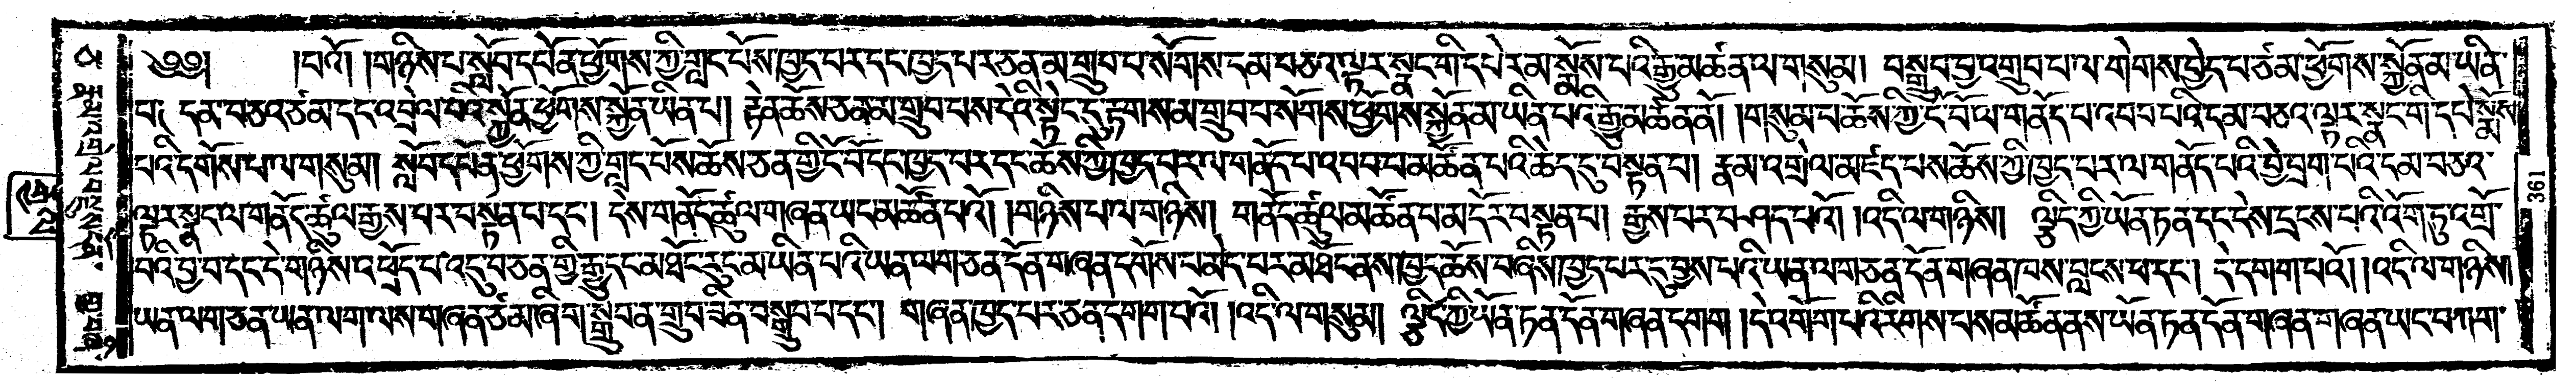༄༅། །པའོ། །གཉིས་པ་སློབ་དཔོན་ཕྱོགས་ཀྱི་གླང་པོས་ཁྱད་པར་དང་ཁྱད་པར་ཅན་མ་གྲུབ་པ་སོགས་དམ་བཅའ་ལྟར་སྣང་གི་དཔེར་མ་སྨོས་པའི་རྒྱུ་མཚན་ལ་གསུམ། བསྒྲུབ་བྱ་འགྲུབ་པ་ལ་གེགས་བྱེད་པ་ཙམ་ཕྱོགས་སྐྱོན་མ་ཡིན་
པ། དམ་བཅའ་ཙམ་དང་འབྲེལ་བའི་སྐྱོན་ཕྱོགས་སྐྱོན་ཡིན་པ། རྟེན་ཆོས་ཅན་མ་གྲུབ་པས་དེའི་སྟེང་དུ་རྟགས་མ་གྲུབ་པ་སོགས་ཕྱོགས་སྐྱོན་མ་ཡིན་པའི་རྒྱུ་མཚན་ནོ། །གསུམ་པ་ཆོས་ཀྱི་ངོ་བོ་ལ་གནོད་པ་འབབ་པའི་དམ་བཅའ་ལྟར་སྣང་གི་དཔེ་སྨོས་
པའི་དགོས་པ་ལ་གསུམ། སློབ་དཔོན་ཕྱོགས་ཀྱི་གླང་པོས་ཆོས་ཅན་གྱི་ངོ་བོ་དང་ཁྱད་པར་དང་ཆོས་ཀྱི་ཁྱད་པར་ལ་གནོད་པ་འབབ་པ་མཚོན་པའི་ཆེད་དུ་བསྟན་པ། རྣམ་འགྲེལ་མཛད་པས་ཆོས་ཀྱི་ཁྱད་པར་ལ་གནོད་པའི་བྱེ་བྲག་པའི་དམ་བཅའ་
ལྟར་སྣང་ལ་གནོད་ཚུལ་རྒྱས་པར་བསྟན་པ་དང་། དེས་གནོད་ཚུལ་གཞན་ཡང་མཚོན་པའོ། །གཉིས་པ་ལ་གཉིས། གནོད་ཚུལ་མཚོན་པ་མདོར་བསྟན་པ། རྒྱས་པར་བཤད་པའོ། །འདི་ལ་གཉིས། ལྕིད་ཀྱི་ཡོན་ཏན་དང་དེས་དྲངས་པའི་འོག་ཏུ་འགྲོ་
བའི་བྱ་བ་དང་དེ་གཉིས་འཕྲོད་པ་འདུ་བ་ཅན་གྱི་རྒྱུ་དང་མཐོང་རུང་མ་ཡིན་པའི་ཡན་ལག་ཅན་དོན་གཞན་དགོས་པ་མེད་པར་མཐོང་ནས་ཁྱད་ཆོས་བཞིས་ཁྱད་པར་དུ་བྱས་པའི་ཡན་ལག་ཅན་དོན་གཞན་ཁས་བླངས་པ་དང་། དེ་དགག་པའོ། །འདི་ལ་གཉིས།
ཡན་ལག་ཅན་ཡན་ལག་ལས་གཞན་ཙམ་ཞིག་སྒྲུབ་ན་གྲུབ་ཟིན་བསྒྲུབ་པ་དང་། གཞན་ཁྱད་པར་ཅན་དགག་པའོ། །འདི་ལ་གསུམ། ལྕིད་ཀྱི་ཡོན་ཏན་དོན་གཞན་དགག །དེ་འགོག་པའི་རིགས་པས་མཚོན་ནས་ཡོན་ཏན་དོན་གཞན་གཞན་ཡང་བཀག་